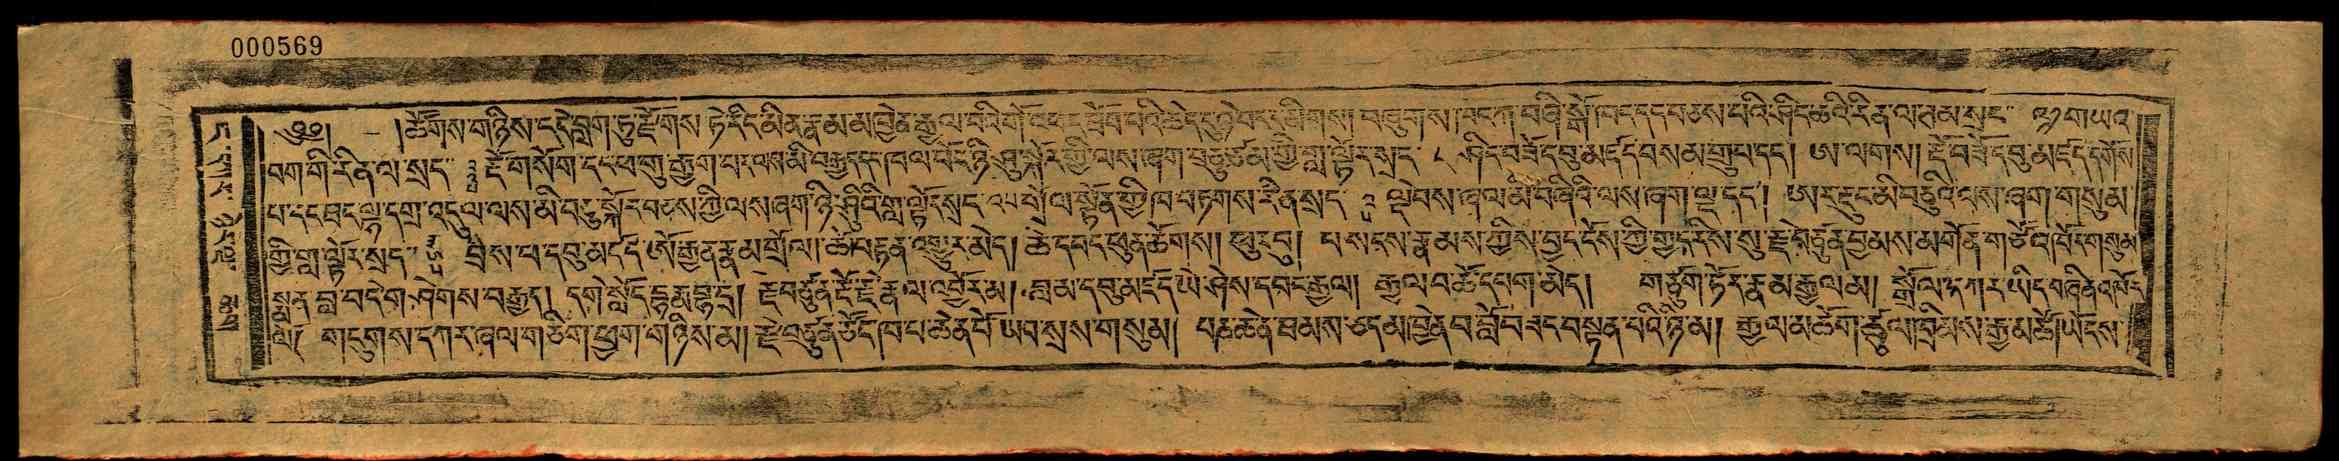༄༅། །ཚོགས་གཉིས་བདེ་བླག་ཏུ་རྫོགས་ཏེ་རིང་མིན་རྣམ་མཁྱེན་རྒྱལ་བའི་གོ་འཕང་ཐོབ་པའི་ཆེད་དུ་ཉེ་བར་དམིགས། བཞུགས་ཁང་ཀ་བཞི་སྒོ་ཁོའདང་བཅས་པའི་ཤིང་ཆའི་རིན་ལ་ཊམ་སྲང ༢༡༡་གཡལ་
བག་གི་རིན་ལ་སྲང ༢༢༥་རྡོ་གསོག་དང་ཕ་གུ་རྒྱག་པར་ལས་མི་བརྒྱད་དང་ཁལ་བོང་ཉི་ཤུ་སྐོར་གྱི་ལས་ཞག་བཅུ་ཙམ་གྱི་གླ་ལྟོར་སྲང ༨་ཤིང་བཟོ་དབུ་མཛད་བསམ་གྲུབ་དང་། ཨ་ལགས། རྡོ་བཟོ་དབུ་མཛད་དགོས་
པ་དང་ཐང་ལྷ་དགྲ་འདུལ་ལས་མི་བཅུ་སྐོར་བཅས་ཀྱི་ལས་ཞག་ཉི་ཤུའི་གླ་ལྟོར་སྲང ༢༥་གྲོལ་སྟོན་གྱི་ཁ་བཏགས་རིན་སྲང ༡༢༡་ལྡེ་བས་ཞལ་མི་བཞིའི་ལས་ཞག་ལྔ་དང་། ཨར་རྡུང་མི་བཅུའི་ལས་ཞག་གསུམ་
གྱི་གླ་ལྟོར་སྲང ༣༢༥་བྲིས་པ་དབུ་མཛད་ཨོ་རྒྱན་རྣམ་གྲོལ། ཚེ་བརྟན་འགྱུར་མེད། ཚེ་དབང་ཕུན་ཚོགས། ཕུར་པ། པ་སངས་རྣམས་ཀྱིས་བྱང་ངོས་ཀྱི་གྱང་རིས་སུ་རྗེ་བཙུན་བྱམས་མགོན་གཙོ་འཁོར་གསུམ་
སྨན་བླ་བདེ་གཤེགས་བརྒྱད། དགེ་སློང་དྷ་རྨ་བྷ་དྲ། རྗེ་བཙུན་རྡོ་རྗེ་རྣལ་འབྱོར་མ། བླ་མ་དབུ་མཛད་ཡེ་ཤེས་དབང་རྒྱལ། རྒྱལ་བ་ཚེ་དཔག་མེད། གཙུག་ཏོར་རྣམ་རྒྱལ་མ། སྒྲོལ་དཀར་ཡིད་བཞིན་འཁོར་
ལོ༑ གདུགས་དཀར་ཞལ་གཅིག་ཕྱག་གཉིས་མ། རྗེ་བཙུན་ཙོང་ཁ་པ་ཆེན་པོ་ཡབ་སྲས་གསུམ། པཎ་ཆེན་ཐམས་ཅད་མཁྱེན་པ་བློ་བཟང་བསྟན་པའི་ཉི་མ། རྒྱལ་མཆོག་ཚུལ་ཁྲིམས་རྒྱ་མཚོ་ཡོངས་